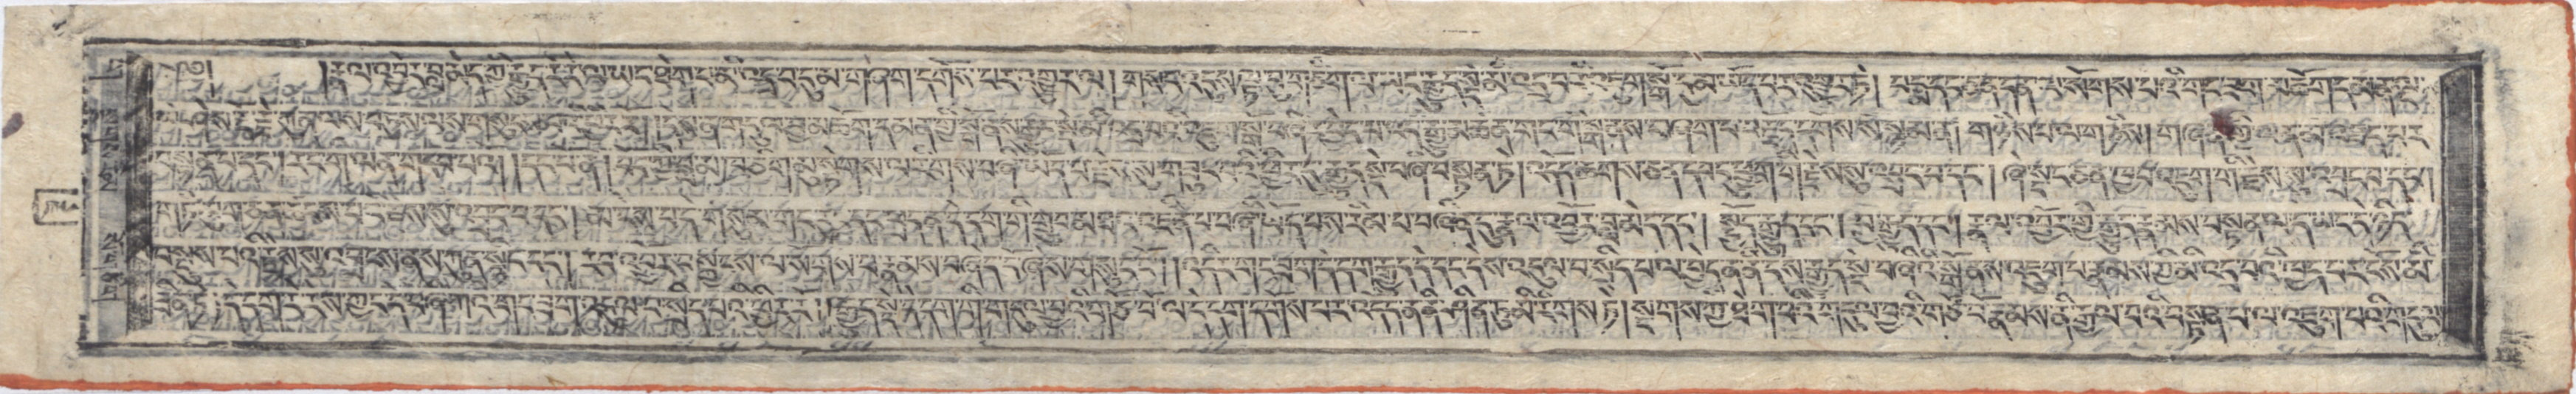༄༅། །རྣལ་འབྱོར་བླ་མེད་ཀྱི་རྒྱུད་རེ་རེ་ལ་ཡང་ཐེག་པ་མི་འདྲ་བ་དུ་མ་གཞག་དགོས་པར་འགྱུར་ལ། གསང་འདུས་ལྟ་བུ་གཅིག་ལ་ཡང་རྒྱུད་སྡེ་མི་འདྲ་བའི་འཇུག་སྒོ་དུ་མ་ཡོད་པར་འགྱུར་ཏེ། པ་དམ་དང་ཅན་དན་ལ་སོགས་པའི་གང་ཟག་མཆོག་དམན་ལྔ་
ཡེ་ཤེས་རྡོ་རྗེ་ཀུན་ལས་བཏུས་ལས་གསུངས་པའི་ཕྱིར་རོ། །དེས་ན་གདུལ་བྱ་མཆོག་དམན་གྱི་སྒོ་ནས་རྒྱུད་སྡེ་མི་འདྲ་བའི་འཇུག་སྒོ་བཞིར་བྱེད་པ་འདི་རྒྱུ་མཚན་གང་གི་སྒ་ནས་བཞག་པ་བརྗོད་དགོས་སོ་སྙམ་ན། གཉིས་པ་ལ་གཉིས། གཞན་གྱི་ལན་མི་འཐད་པར་
བསྟན་པ་དང་། རང་གི་ལན་གདབ་པའོ། །དང་པོ་ནི། བོད་ཀྱི་བླ་མ་ཁ་ཅིག་མུ་སྟེགས་ལ་རིགས་བཞི་ཡོད་པ་རྗེས་སུ་གཟུང་བའི་ཕྱིར་དུ་རྒྱུད་སྡེ་བཞི་བསྟན་ཏེ། འདོད་ཆགས་ཅན་དབང་ཕྱུག་གི་རྗེས་སུ་འབྲང་བ་དང་། ཞེ་སྡང་ཅན་ཁྱབ་འཇུག་གི་རྗེས་སུ་འབྲང་བ་དང་།
གཏི་མུག་ཅན་ཚངས་པའི་རྗེས་སུ་འབྲང་བ་དང་། མ་ངེས་པ་དེ་གསུམ་གང་རུང་དང་ཕྲད་ན་དེ་དག་གི་གྲུབ་མཐའ་འཛིན་པ་བཞི་ཡོད་པས་རིམ་པ་བཞིན་དུ་རྣལ་འབྱོར་བླ་མེད་དང་། སྤྱོད་རྒྱུད་དང་། བྱ་རྒྱུད་དང་། རྣལ་འབྱོར་གྱི་རྒྱུད་རྣམས་བསྟན་ལ་དེ་ཡང་དེ་ཉིད་
བསྡུས་པའི་རྗེས་སུ་འབྲངས་ནས་ཀུན་སྙིང་དང་། རབ་འབྱོར་བསྐྱངས་ལ་སོགས་པ་རྣམས་བཞེད་དོ་ཞེས་གསུང་ངོ། །འདིར་གང་ཟག་དེ་དག་རྒྱུད་དེ་དང་དེས་འདུལ་བ་སྲིད་པ་ལ་བྱེད་ན་ནི་དེས་རྒྱུད་སྡེ་བཞིའི་སྒོ་ནས་འཇུག་པ་རྣམས་ཀྱི་མི་འདྲ་བའི་ཁྱད་པར་ངོས་མི་
ཟིན་ཏེ༑ དེ་དག་རེ་རེས་ཀྱང་དེ་བཞི་ཀའི་གང་ཟག་འདུལ་བ་སྲིད་པའི་ཕྱིར་རོ། །རྒྱུད་སྡེ་དེ་དག་གདུལ་བྱའི་གཙོ་བོ་ལ་དེ་དག་དགོས་པར་འདོད་ན་ནི་ཤིན་ཏུ་མི་རིགས་ཏེ། སྔགས་ཀྱི་ཐེག་པའི་གདུལ་བྱའི་གཙོ་བོ་རྣམས་ནི་རྒྱལ་བའི་བསྟན་པ་ལ་འཇུག་པའི་གདུལ་